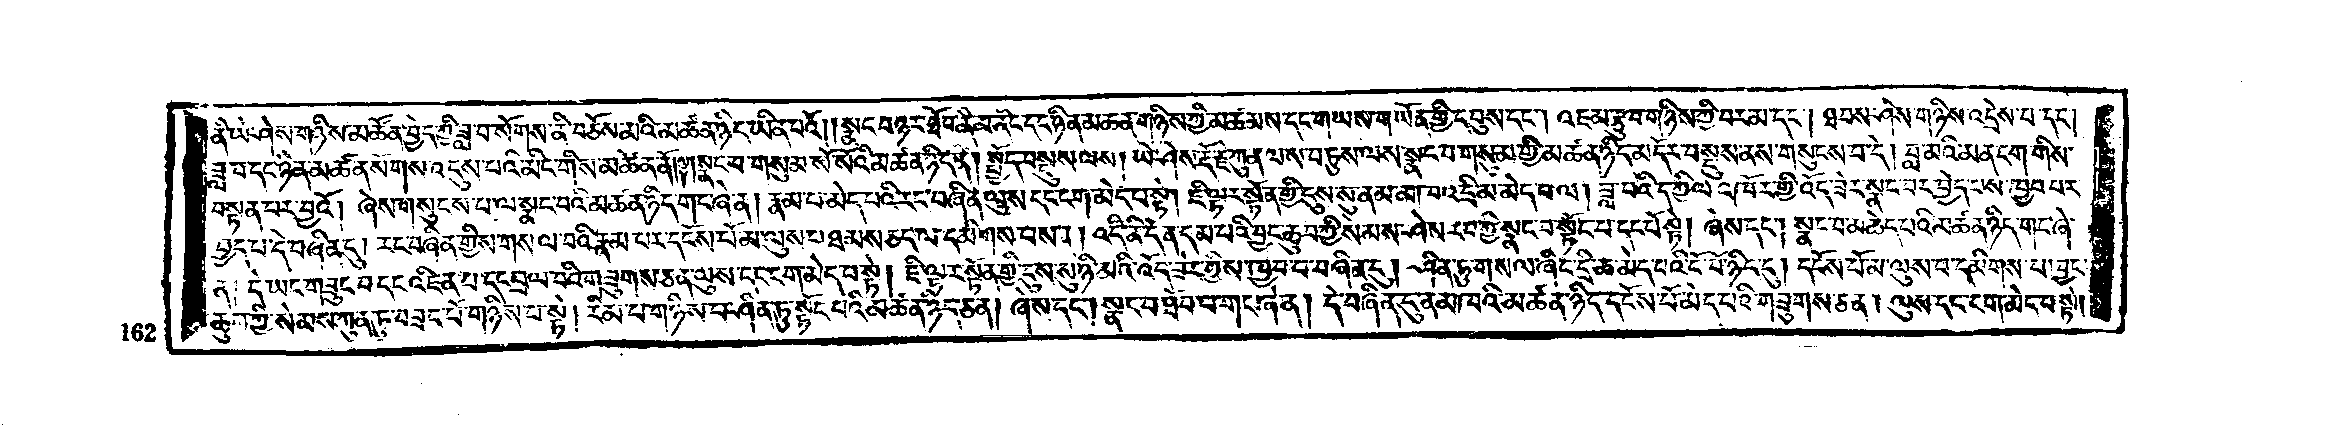ནི་ཡེ་ཤེས་གཉིས་མཚོན་བྱེད་ཀྱི་ཟླ་བ་སོགས་ནི་བཅོས་མའི་མཚན་ཉིད་ཡིན་པའོ། །སྣང་བ་ཉར་ཐོབ་ནི་མ་ནིང་དང་ཉིན་མཚན་གཉིས་ཀྱི་མཚམས་དང་གཡས་གཡོན་གྱི་དབུས་དང་། འཇམ་རྩུབ་གཉིས་ཀྱི་བར་མ་དང་། ཐབས་ཤེས་གཉིས་འདྲེས་པ་དང་།
ཟླ་བ་དང་ཉིན་མཚན་སོགས་འདུས་པའི་མིང་གིས་མཚན་ནོ། ༈ །སྣང་བ་གསུམ་སོ་སོའི་མཚན་ཉིད་ནི། སྤྱོད་བསྡུས་ལས། ཡེ་ཤེས་རྡོ་རྗེ་ཀུན་ལས་བཏུས་ལས་སྣང་བ་གསུམ་གྱི་མཚན་ཉིད་མདོར་བསྡུས་ནས་གསུངས་པ་དེ། བླ་མའི་མན་ངག་གིས་
བསྟན་པར་བྱའོ། ཞེས་གསུངས་པ་ལ་སྣང་བའི་མཚན་ཉིད་གང་ཞེ་ན། རྣམ་པ་མེད་པའི་རང་བཞིན་ལུས་དང་ངག་མེད་པ་སྟེ། ཇི་ལྟར་སྟོན་གྱི་དུས་སུ་ནམ་མཁའ་དྲི་མ་མེད་པ་ལ། ཟླ་བའི་དཀྱིལ་འཁོར་གྱི་འོད་ཟེར་སྣང་བར་བྱེད་པས་ཁྱབ་པར་བྱེད་པ་དེ་བཞིན་དུ། རང་བཞིན་གྱིས་གསལ་བའི་རྣམ་པར་དངོས་པོ་མ་ལུས་པ་ཐམས་ཅད་ལ་དམིགས་པས་ན། འདི་ནི་དོན་དམ་པའི་བྱང་ཆུབ་ཀྱི་སེམས་ཤེས་རབ་ཀྱི་སྣང་བ་སྟོང་པ་དང་པོ་སྟེ། ཞེས་དང་། སྣང་བ་མཆེད་པའི་མཚན་ཉིད་གང་ཞེ་
ན། དེ་ཡང་གཟུང་བ་དང་འཛིན་པ་དང་བྲལ་བའི་གཟུགས་ཅན་ལུས་དང་ངག་མེད་པ་སྟེ། ཇི་ལྟར་སྟོན་གྱི་དུས་སུ་ཉི་མའི་འོད་ཟེར་གྱིས་ཁྱབ་པ་བཞིན་དུ། ཤིན་ཏུ་གསལ་ཞིང་དྲི་མ་མེད་པའི་ངོ་བོ་ཉིད་དུ། དངོས་པོ་མ་ལུས་པ་དམིགས་པ། བྱང་
ཆུབ་ཀྱི་སེམས་ཀུན་ཏུ་བཟང་པོ་གཉིས་པ་སྟེ། རིམ་པ་གཉིས་པ་ཤིན་ཏུ་སྟོང་པའི་མཚན་ཉིད་ཅན། ཞེས་དང་། སྣང་བ་ཐོབ་པ་གང་ཞེ་ན། དེ་བཞིན་དུ་ནམ་མཁའི་མཚན་ཉིད་དངོས་པོ་མེད་པའི་གཟུགས་ཅན། ལུས་དང་ངག་མེད་པ་སྟེ། །